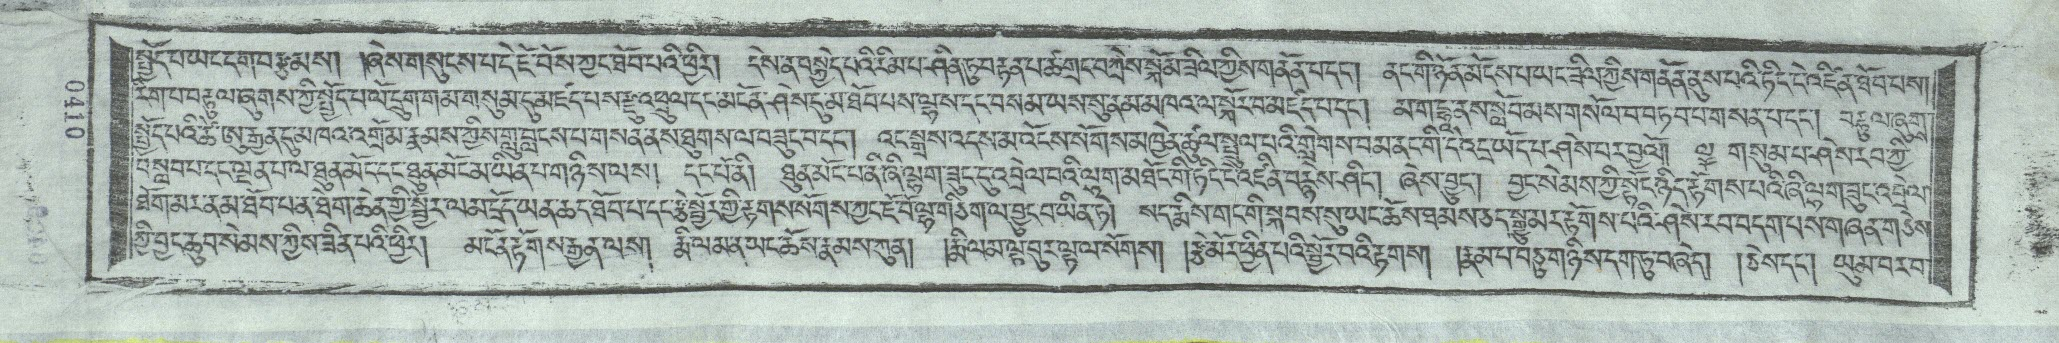སྤྱོད་པ་ཡང་དག་བརྩམས། །ཞེས་གསུངས་པ་དེ་ཇོ་པོས་ཀྱང་ཐོབ་པའི་ཕྱིར། དེས་ན་བསྐྱེད་པའི་རིམ་པ་ཤིན་ཏུ་བརྟན་པ་ཚ་གྲང་བཀྲེས་སྐོམ་ཟིལ་ཀྱིས་གནོན་པ་དང་། ནང་གི་ཉོན་མོངས་པ་ཡང་ཟིལ་ཀྱིས་གནོན་ནུས་པའི་ཏིང་ངེ་འཛིན་ཐོབ་པས།
རིག་པ་བརྟུལ་ཞུགས་ཀྱི་སྤྱོད་པ་ལོ་དྲུག་གམ་གསུམ་དུ་མཛད་པས་རྫུ་འཕྲུལ་དང་མངོན་ཤེས་དུ་མ་ཐོབ་པས་ལྷ་ས་དང་བསམ་ཡས་སུ་ནམ་མཁའ་ལ་སྐོར་བ་མཛད་པ་དང་། མ་ག་དྷཱ་ནས་སློབ་མས་གསོལ་བ་བཏབ་པ་གསན་པ་དང་། བརྟུལ་ཞུགས་
སྤྱོད་པའི་ཚེ་ཨུ་རྒྱན་དུ་མཁའ་འགྲོ་མ་རྣམས་ཀྱིས་གླུ་བླངས་པ་གསན་ནས་ཐུགས་ལ་བཟུང་བ་དང་། འང་སྒྲས་འདས་མ་འོངས་སོགས་མ་ཁྱེན་ཚུལ་སྤྲུལ་པའི་གླེགས་བམ་ནང་གི་ངེ་འདྲ་ཡོད་པ་ཤེས་པར་བྱའོ།། ༈ གསུམ་པ་ཤེས་རབ་ཀྱི་
བསླབ་པ་དང་ལྡན་པ་ལ་ཐུན་མོང་དང་ཐུན་མོང་མ་ཡིན་པ་གཉིས་ལས། དང་པོ་ནི། ཐུན་མོང་པ་ནི་ཞི་ལྷག་ཟུང་དུ་འབྲེལ་བའི་ལྷག་མཐོང་གི་ཏིང་ངེ་འཛིན་བརྙེས་ཤིང་། ཞེས་བྱུང་། བྱང་སེམས་ཀྱི་སྟོང་ཉིད་རྟོགས་པའི་ཞི་ལྷག་ཟུང་འབྲེལ་
ཐོག་མར་ནམ་ཐོབ་པ་ན་ཐེག་ཆེན་གྱི་སྦྱོར་ལམ་དྲོད་ཡན་ཆད་ཐོབ་པ་དང་རྩེ་སྦྱོར་གྱི་རྟགས་སོགས་ཀྱང་ཇོ་བོ་ལྷ་གཅིག་ལ་བྱུང་བ་ཡིན་ཏེ། སད་རྨིས་གང་གི་སྐབས་སུ་ཡང་ཆོས་ཐམས་ཅད་སྒྱུ་མར་རྟོགས་པའི་ཤེས་རབ་བདག་པས་གཞན་གཅེས་
ཀྱི་བྱང་ཆུབ་སེམས་ཀྱིས་ཟིན་པའི་ཕྱིར། མངོན་རྟོགས་རྒྱན་ལས། རྨི་ལམ་ན་ཡང་ཆོས་རྣམས་ཀུན། །རྨི་ལམ་ལྟ་བུར་ལྟ་ལ་སོགས། །རྩེ་མོར་ཕྱིན་པའི་སྦྱོར་བའི་རྟགས། །རྣམ་པ་བཅུ་གཉིས་དག་ཏུ་བཞེད། །ཅེས་དང་། ཡུམ་བར་བ་